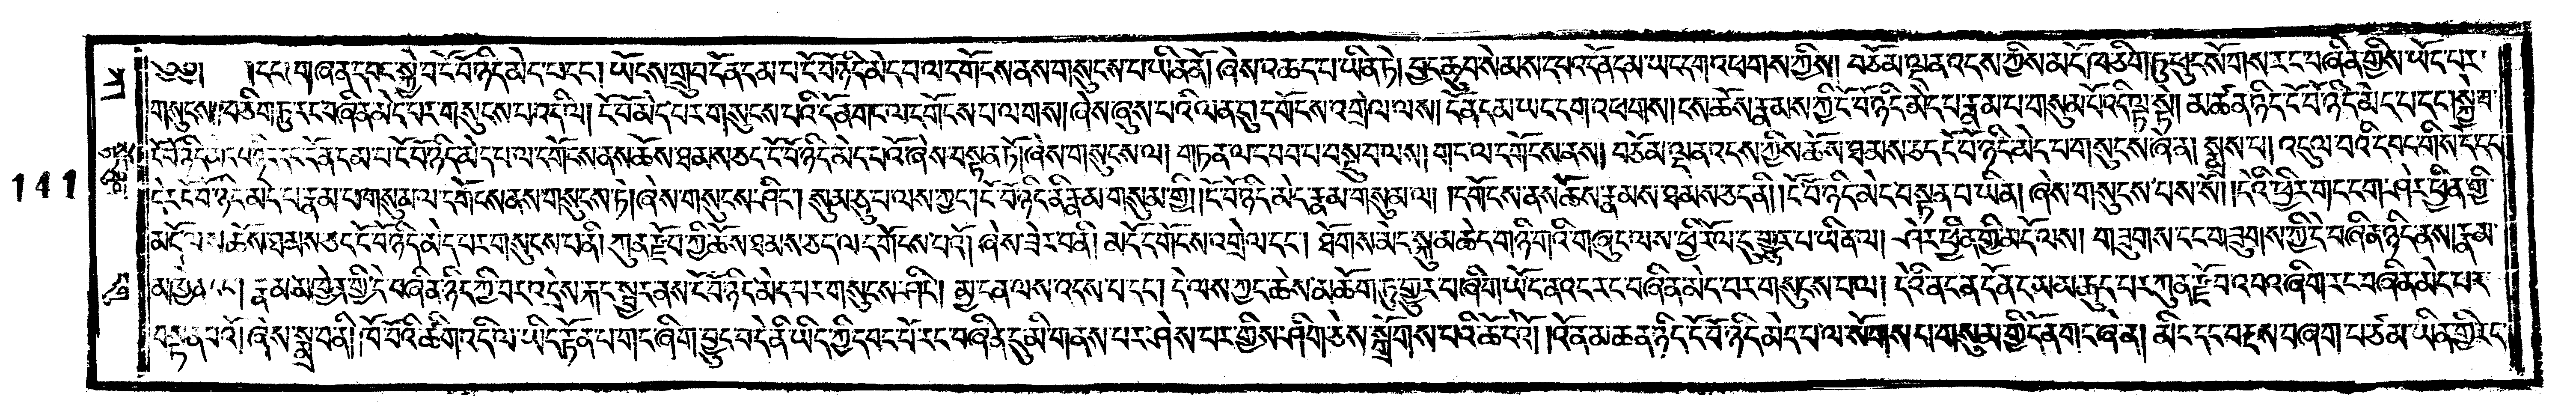༄༅། །དང་། གཞན་དབང་སྐྱེ་བ་ངོ་བོ་ཉིད་མེད་པ་དང་། ཡོངས་གྲུབ་དོན་དམ་པ་ངོ་བོ་ཉིད་མེད་པ་ལ་དགོངས་ནས་གསུངས་པ་ཡིན་ནོ། ཞེས་འཆང་པ་ཡིན་ཏེ། བྱང་ཆུབ་སེམས་དཔའ་དོན་དམ་ཡང་དག་འཕགས་ཀྱིས། བཅོམ་ལྡན་འདས་ཀྱིས་མདོ་ཁ་ཅིག་ཏུ་ཕུང་སོགས་རང་བཞིན་གྱིས་ཡོང་པར་
གསུངས་ཁ་ཅིག་ཏུ་རང་བཞིན་མེད་པར་གསུངས་པ་འདི་ལ། ངོ་བོ་མེད་པར་གསུངས་པའི་དོན་གང་ལ་དགོངས་པ་ལགས། ཞེས་ཞུས་པའི་ལན་དུ། དགོངས་འགྲེལ་ལས། དོན་དམ་ཡང་དག་འཕགས། ངས་ཆོས་རྣམས་ཀྱི་ངོ་བོ་ཉིད་མེད་པ་རྣམ་པ་གསུམ་པོ་འདི་ལྟ་སྟེ། མཚན་ཉིང་ངོ་བོ་ཉིད་མེད་པ་དང་། སྐྱེ་བ་
ངོ་བོ་ཉིད་མེད་པ་ཉིད་དང་དོན་དམ་པ་ངོ་བོ་ཉིད་མེད་པ་ལ་དགོངས་ནས་ཆོས་ཐམས་ཅད་ངོ་བོ་ཉིད་མེད་པའོ་ཞེས་བསྟན་ཏོ། ཞེས་གསུངས་ལ། གཏན་ལ་དབབ་པ་བསྡུ་བ་ལས། གང་ལ་དགོངས་ནས། བཅོམ་ལྡན་འདས་ཀྱིས་ཆོས་ཐམས་ཅད་ངོ་བོ་ཉིད་མེད་པ་གསུངས་ཞེ་ན། སྨྲས་པ། འདུལ་བའི་དབང་གིས་དེ་དང་
དེར་ངོ་བོ་ཉིད་མེད་པ་རྣམ་པ་གསུམ་ལ་དགོངས་ནས་གསུངས་ཏེ། ཞེས་གསུངས་ཤིང་། སུམ་ཅུ་པ་ལས་ཀྱང་། ངོ་བོ་ཉིད་ནི་རྣམ་གསུམ་གྱི། །ངོ་བོ་ཉིད་མེད་རྣམ་གསུམ་ལ། །དགོངས་ནས་ཆོས་རྣམས་ཐམས་ཅད་ནི། །ངོ་བོ་ཉིད་མེད་བསྟན་པ་ཡིན། ཞེས་གསུངས་པས་སོ། །དེའི་ཕྱིར་གང་ངག་ཤེར་ཕྱིན་གྱི་
མདོ་ལས་ཆོས་ཐམས་ཅད་ངོ་བོ་ཉིད་མེད་པར་གསུངས་པ་ནི། ཀུན་རྫོབ་ཀྱི་ཆོས་ཐམས་ཅད་ལ་དགོངས་པའོ། ཞེས་ཟེར་བ་ནི། མདོ་དགོངས་འགྲེལ་དང་། ཐོགས་མེད་སྐུ་མཆེད་གཉི་གའི་གཞུང་ལས་ཕྱི་རོལ་དུ་གྱུར་པ་ཡིན་ལ། ཤེར་ཕྱིན་གྱི་མདོ་ལས། གཟུགས་དང་གཟུགས་ཀྱི་དེ་བཞིན་ཉིད་ནས། རྣམ་
མཁྱེན་དང་། རྣམ་མཁྱེན་གྱི་དེ་བཞིན་ཉིད་ཀྱི་བར་འདྲེས་རྐང་སྦྱར་ནས་ངོ་བོ་ཉིད་མེད་པར་གསུངས་ཤིང་། མྱ་ངན་ལས་འདས་པ་དང་། དེ་ལས་ཀྱང་ཆེས་མཆོག་ཏུ་གྱུར་པ་ཞིག་ཡོད་ནའང་རང་བཞིན་མེད་བར་གསུངས་པ་ལ། དེའི་ནང་ན་དོན་དམ་མ་ཆུང་པར་ཀུན་རྫོབ་འབའ་ཞིག་རང་བཞིན་མེད་པར་
བསྟན་བའོ། ཞེས་སྨྲ་བ་ནི། ཁོ་བོའི་ཚིག་འདི་ལ་ཡིད་རྟོན་པ་གང་ཞིག་བྱུང་བ་དེ་ནི་ཡིད་ཀྱི་དབང་པོ་རང་བཞིན་དུ་མི་གནས་པར་ཤེས་པར་གྱིས་ཤིག་ཅེས་སྒྲོགས་པའི་ཆོ་དེའོ། །འོན་མཚན་ཉིད་ངོ་བོ་ཉིད་མེད་པ་ལ་སོགས་པ་གསུམ་གྱི་དོན་གང་ཞེ་ན། མིང་དང་བརྔས་བཞག་པ་ཙམ་ཡིན་གྱི་རང་